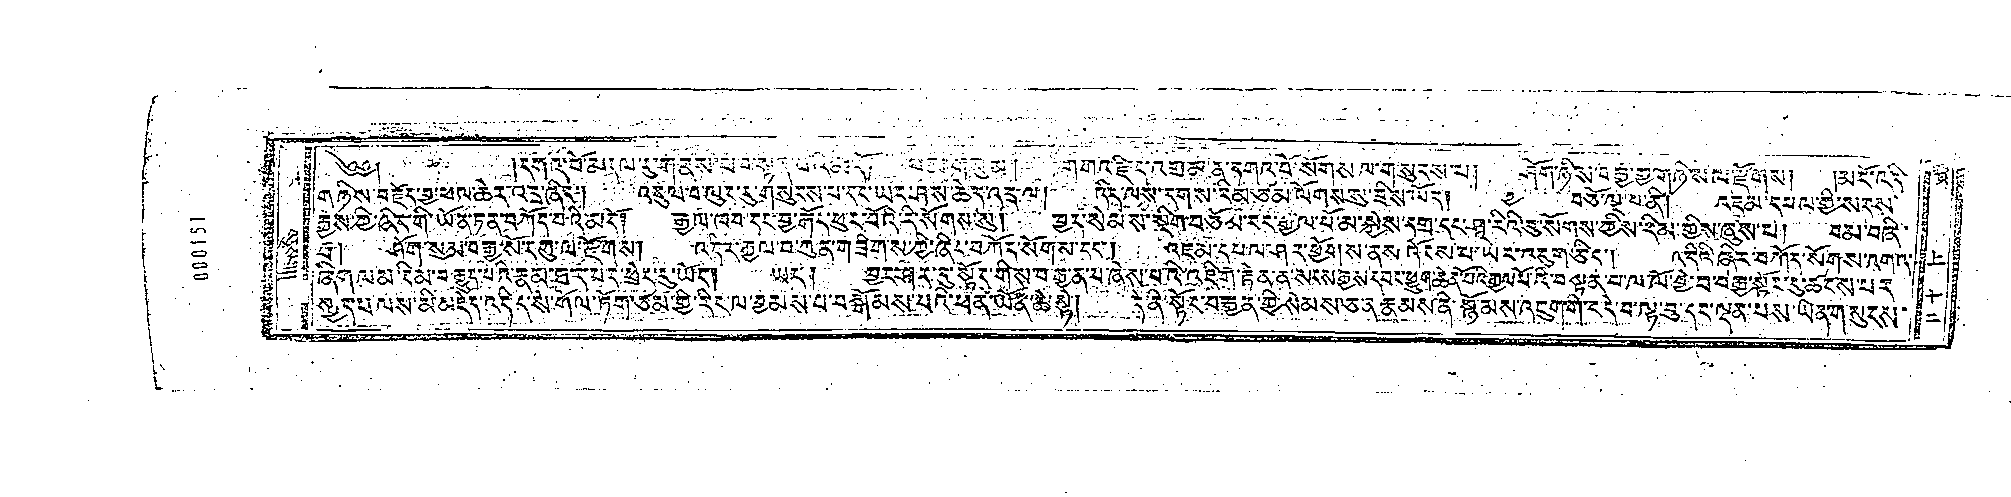༄༅། །དགའ་བོ་མདལ་དུ་གནས་པ་བསྟན་པའི་མདོ། བམ་གསུམ། གག་འྲྫིད་འགྲམ་ན་དགའ་བོ་སོགས་ལ་གསུངས་པ། ཤོག་ཉིས་བརྒྱ་གྱ་གཉིས་ལ་རྫོགས། །མདོ་འདི་
གཉིས་བརྗོད་བྱ་ཕལ་ཆེར་འདྲ་ཞིང་། འདུལ་བ་ལུང་དུ་གསུངས་པ་དང་ཡང་ཤས་ཆེར་འདྲ་ལ། འདི་ལས་དགས་རིམ་ཙམ་ལོགས་སུ་བྲིས་ཡོད། ༧་བཅོ་ལྔ་པ་ནི། འཇམ་དཔལ་གྱི་སངས་
རྒྱས་ཀྱི་ཞིང་གི་ཡོན་ཏན་བཀོད་པའི་མདོ། རྒྱལ་ཁབ་དང་བྱ་རྒོད་ཕུང་བོའི་རི་སོགས་སུ། བྱང་སེམས་སྡིག་བཅོམ་དང་རྒྱལ་པོ་མ་སྐྱེས་དགྲ་དང་ཤཱ་རིའི་བུ་སོགས་ཀྱིས་རིམ་གྱིས་ཞུས་པ། བམ་བཞི་
པ། ཤོག་སུམ་བརྒྱ་སོ་དགུ་ལ་རྫོགས། འདིར་རྒྱལ་བ་ཀུན་གཟིགས་ཀྱི་ཞིང་བཀོད་སོགས་དང་། འཇམ་དཔལ་ཤར་ཕྱོགས་ནས་འོངས་པ་ཡང་འདུག་ཅིང་། འདིའི་ཞིང་བཀོད་སོགས་འགའ་
ཞིག་ལམ་རིམ་བརྒྱད་པའི་རྣམ་ཐར་པར་ཕྲེང་དུ་ཡོད། ཡང་། བྱང་ཤར་དུ་སྟོང་གིས་བརྒྱན་པ་ཞེས་པའི་འཇིག་རྟེན་ན་སངས་རྒྱས་དབང་ཕྱུག་ཆེན་པོའི་རྒྱལ་པོའི་བསྟན་པ་ལ་ལོ་བྱེ་བ་བརྒྱ་སྟོང་དུ་ཚངས་པར་
སྤྱད་པ་ལས་མི་མཛེད་འདིར་སེ་གོལ་ཏོག་ཙམ་གྱི་རིང་ལ་བྱམས་པ་བསྒོམས་པའི་ཕན་ཡོན་ཆེ་སྟེ། དེ་ནི་སྟོང་བརྒྱན་གྱི་སེམས་ཅན་རྣམས་ནི་སྙོམས་འཇུག་གི་བདེ་བ་ལྟ་བུ་དང་ལྡན་པས་ཡིན་གསུངས་